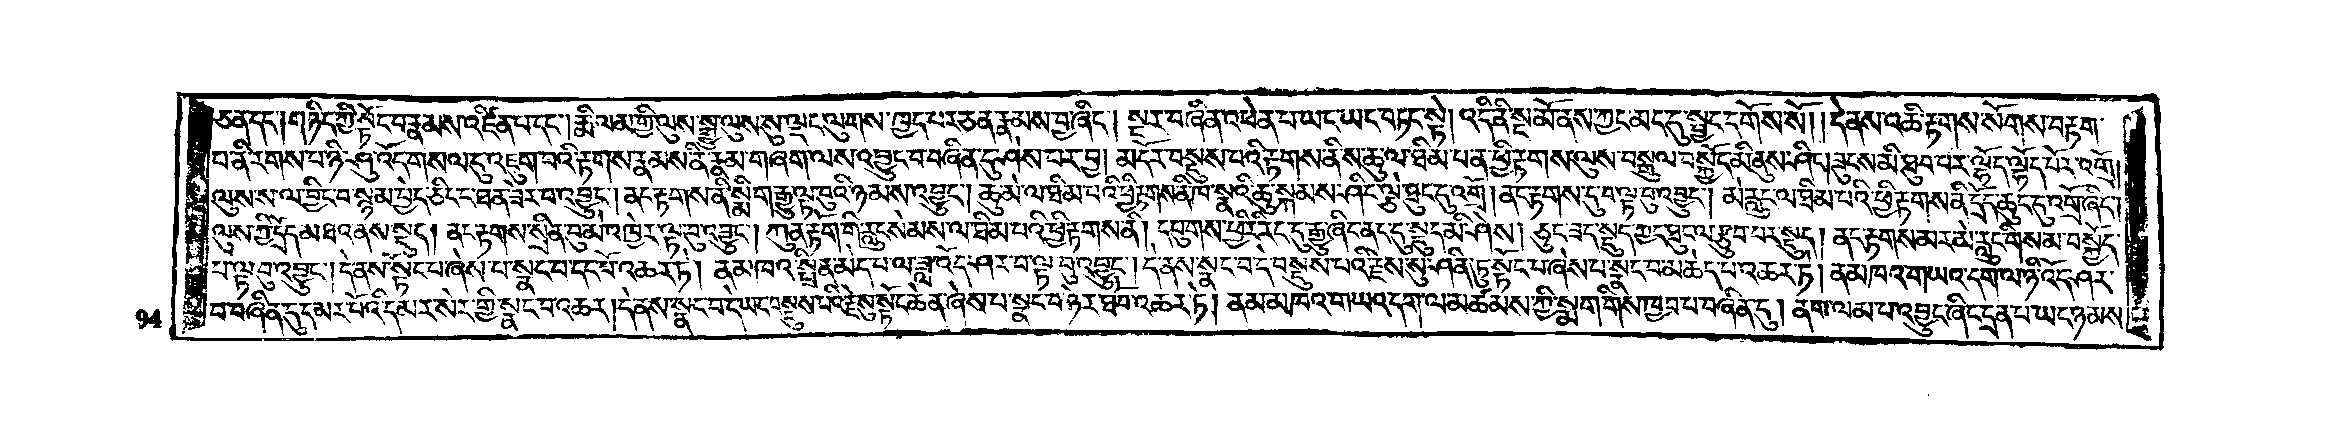ཅན་དང་། གཉིད་ཀྱི་སྟོང་པ་རྣམས་འཛིན་པ་དང་། རྨི་ལམ་གྱི་ལུས་སྒྱུ་ལུས་སུ་ལྡང་ལུགས་ཁྱད་པར་ཅན་རྣམས་བྱ་ཞིང་། སྔར་བཞིན་འཕེན་པ་ཡང་ཡང་བཏང་སྟེ། འདི་ནི་སྔ་མོ་ནས་ཀྱང་མང་དུ་སྦྱང་དགོས་སོ། །དེ་ནས་འཆི་རྟགས་སོགས་བརྟག་པ་ནི་རགས་པ་ཉི་ཤུ་འོད་གསལ་དུ་འཇུག་པའི་རྟགས་རྣམས་ནི་རྣམ་གཞག་ལས་འབྱུང་བ་བཞིན་དུ་ཤེས་པར་བྱ། མདོར་བསྡུས་པའི་རྟགས་ནི་ས་ཆུ་ལ་ཐིམ་པ་ན་ཕྱི་རྟགས་ལུས་བསྒུལ་བསྐྱོད་མི་ནུས་ཤིང་། ཟུངས་མི་ཐུབ་པར་ལྷོད་ལྷོད་པོར་འགྲོ།
ལུས་ས་ལ་བྱིང་བ་སྙམ་བྱེད་ཅིང་ང་ཐན་ཟེར་བ་འབྱུང་། ནང་རྟགས་ནི་སྨིག་རྒྱུ་ལྟ་བུའི་ཉམས་འབྱུང་། ཆུ་མེ་ལ་ཐིམ་པའི་ཕྱི་རྟགས་ནི་ཁ་སྣའི་ཆུ་སྐམས་ཤིང་ལྕེ་ཐུང་དུ་འགྲོ། ནང་རྟགས་དུ་བ་ལྟ་བུ་འབྱུང་། མེ་རླུང་ལ་ཐིམ་པའི་ཕྱི་རྟགས་ནི་དྲོད་ཆུང་དུ་འགྲོ་ཞིང་།
ལུས་ཀྱི་དྲོད་མཐའ་ནས་སྡུད། ནང་རྟགས་སྲིན་བུ་མེ་འཁྱེར་ལྟ་བུ་འབྱུང་། ཀུན་རྟོག་གི་རླུང་སེམས་ལ་ཐིམ་པའི་ཕྱི་རྟགས་ནི། དབུགས་ཕྱིར་རིང་དུ་རྒྱུ་ཞིང་ནང་དུ་སྡུད་མི་ཤེས། ཅུང་ཟད་སྡུད་ཀྱང་ཐུང་ལ་རྩུབ་པར་སྡུད། ནང་རྟགས་མར་མེ་རླུང་གིས་མ་བསྐྱོད་
པ་ལྟ་བུ་འབྱུང་། དེ་ནས་སྟོང་པ་ཞེས་པ་སྣང་བ་དང་པོ་འཆར་ཏེ། ནམ་མཁའ་སྤྲིན་མེད་པ་ལ་ཟླ་འོད་ཤར་བ་ལྟ་བུ་འབྱུང་། དེ་ནས་སྣང་བ་དེ་བསྡུས་པའི་རྗེས་སུ་ཤིན་ཏུ་སྟོང་པ་ཞེས་པ་སྣང་བ་མཆེད་པ་འཆར་ཏེ། ནམ་མཁའ་གཡའ་དག་ལ་ཉི་འོད་ཤར་
བ་བཞིན་དུ་དམར་པོའི་དམར་སེར་གྱི་སྣང་བ་འཆར། དེ་ནས་སྣང་བ་དེ་ཡང་བསྡུས་པའི་རྗེས་སུ་སྟོང་ཆེན་ཞེས་པ་སྣང་བ་ཉེར་ཐོབ་འཆར་ཏེ། ནམ་མཁའ་གཡའ་དག་ལ་མཚམས་ཀྱི་སྨག་གིས་ཁྱབ་པ་བཞིན་དུ། ནག་ལམ་པ་འབྱུང་ཞིང་དྲན་པ་ཡང་ཉམས་